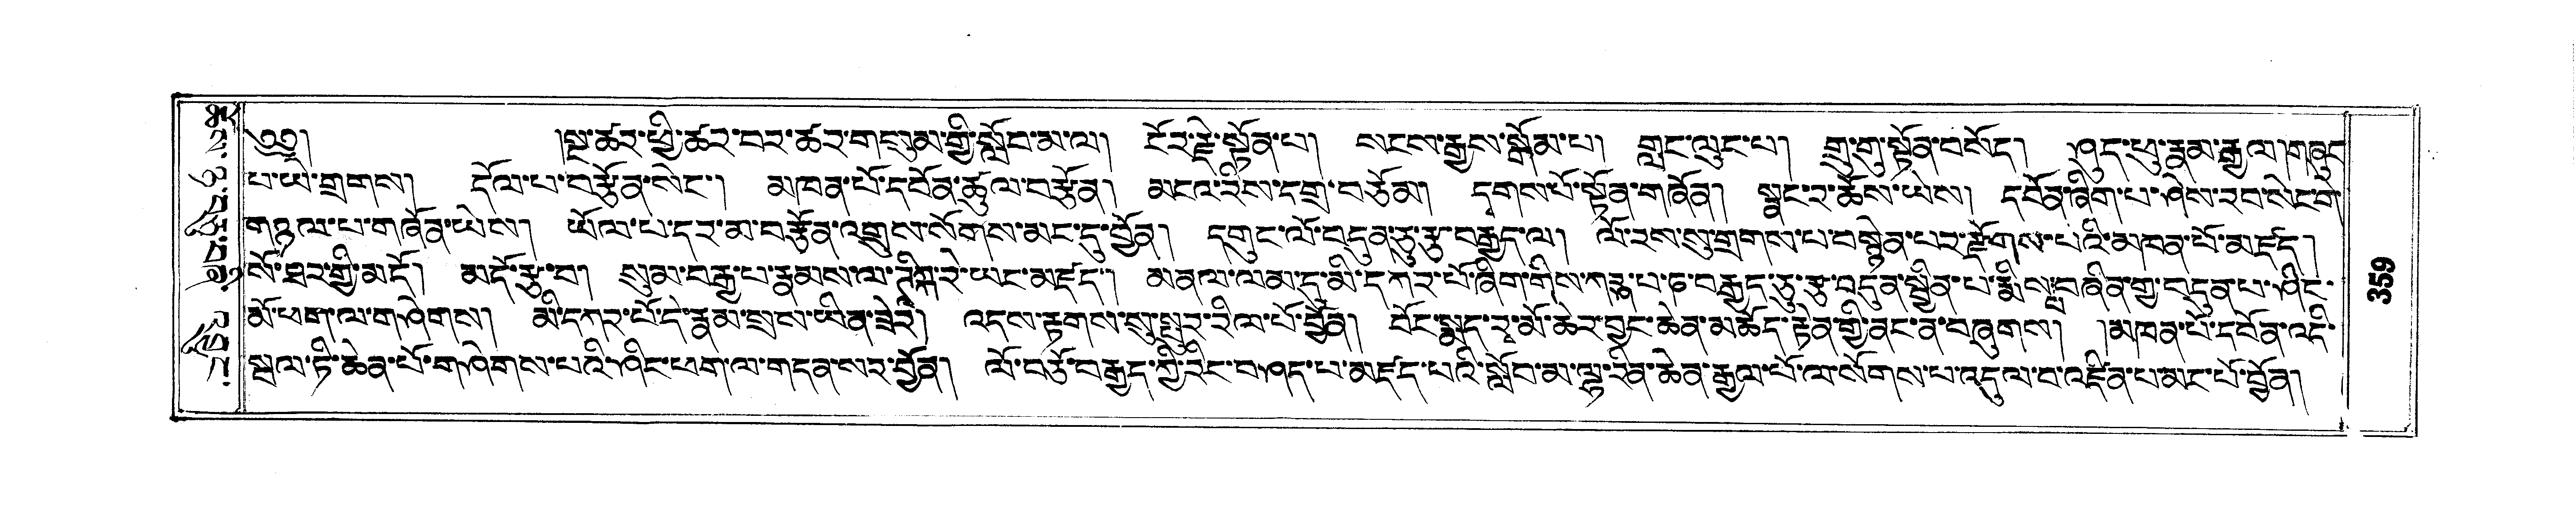༄༅། །སྔ་ཚར་ཕྱི་ཚར་བར་ཚར་གསུམ་གྱི་སློབ་མ་ལ། ངོར་རྗེ་སྟོན་པ། སངས་རྒྱས་སྒོམ་པ། གླང་ལུང་པ། གྲུ་གུ་སྟོན་བསོད། ཤུད་ཕུ་རྣམ་རྒྱལ། གཞུང་
པ་ཡེ་གྲགས། དོལ་པ་བརྩོན་སེང་། མཁན་པོ་དབོན་ཚུལ་བརྩོན། མངའ་རིས་དགྲ་བཅོམ། དྭགས་པོ་སྟོན་གཞོན། སྣང་ར་ཆོས་ཡེས། དབོན་ཞིག་པ་ཤེས་རབ་སེང་གེ་
གཉལ་པ་གཞོན་ཡེས། ཡོལ་པ་དར་མ་བརྩོན་འགྲུས་སོགས་མང་དུ་བྱོན། དགུང་ལོ་བདུན་ཅུ་རྩ་བརྒྱད་ལ། ལོ་རས་སུ་གྲགས་པ་བསྙེན་པར་རྫོགས་པའི་མཁན་པོ་མཛད།
སོ་ཐར་གྱི་མདོ། མདོ་རྩ་བ། སུམ་བརྒྱ་པ་རྣམས་ལ་ཊིཀྐ་རེ་ཡང་མཛད། མནལ་ལམ་དུ་མི་དཀར་པོ་ཞིག་གིས་ཀརྴ་པ་ཎ་བརྒྱད་ཅུ་རྩ་བདུན་སྦྱིན་པ་རྨིས་པ་བཞིན་གྱ་བདུན་པ་ཤིང་
མོ་ཕག་ལ་གཤེགས། མི་དཀར་པོ་དེ་རྣམ་སྲས་ཡིན་ཟེར། འདས་རྟགས་སུ་སྤུར་རིལ་པོ་བྱོན། བོང་སྨད་རྭ་མོ་ཆེར་བྱང་ཆེན་མཆོད་རྟེན་གྱི་ནང་ན་བཞུགས། །མཁན་པོ་དབོན་འདི་
སྦལ་ཏི་ཆེན་པོ་གཤེགས་པའི་ཤིང་ཕག་ལ་གདན་སར་བྱོན། ལོ་བཅོ་བརྒྱད་ཀྱི་རིང་བཤད་པ་མཛད་པའི་སློབ་མ་ལྷ་རིན་ཆེན་རྒྱལ་པོ་ལ་སོགས་པ་འདུལ་བ་འཛིན་པ་མང་པོ་བྱོན།